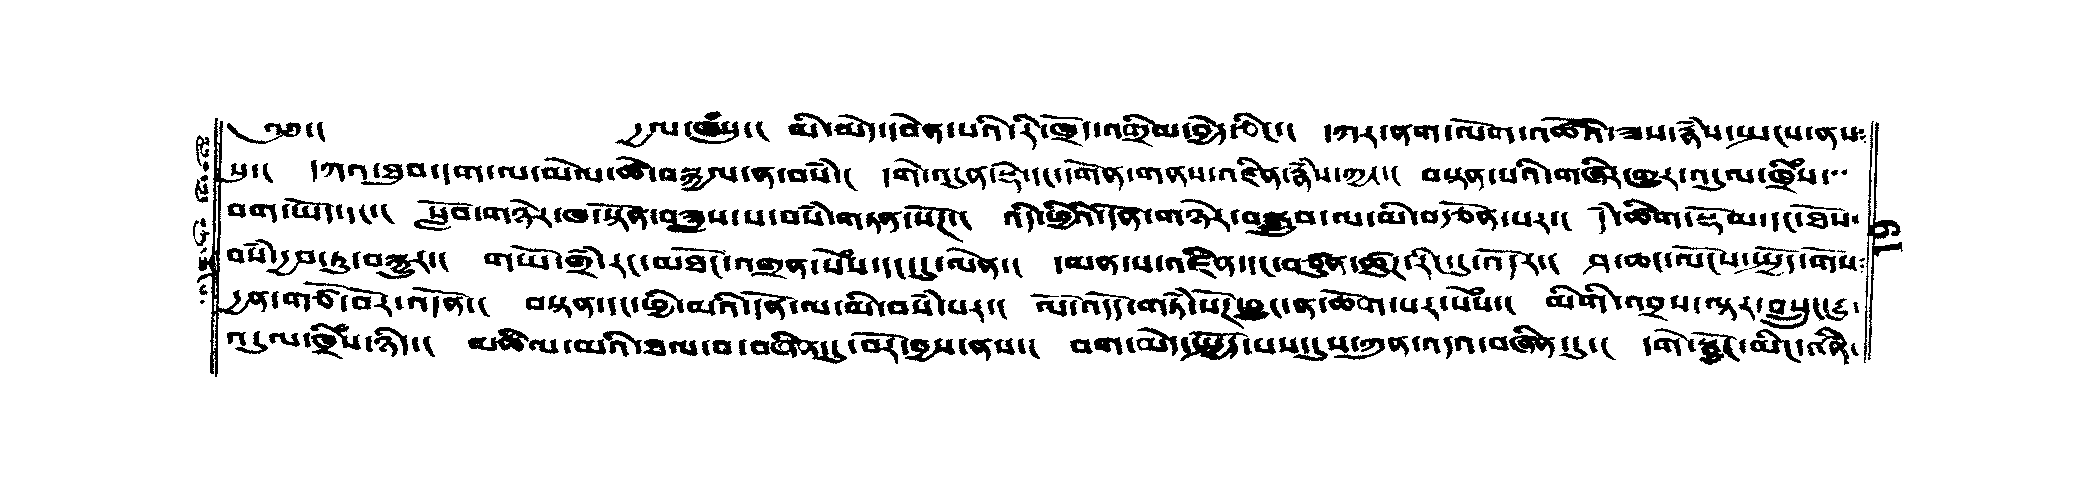རྒྱལ་ཁམས་སུ། །མི་མེད་དབེན་པའི་རི་ཁྲོད་འགྲིམ་བྱེད་ཅིང་། །དཀར་ནག་ལོག་འཚོའི་ཟས་རྣམས་སྤངས་ནས་
སུ། །དཀའ་ཐུབ་དག་ལ་མེལ་ཚེ་བསྐྱལ་ན་བསམ། །དགེ་འདུན་སྡེ་དང་དགོན་གནས་འཛིན་རྣམས་ཀྱང་། །བསྟན་པའི་གཞིར་གྱུར་འདུལ་ཁྲིམས་
བག་ཡོད་དང་། །སློབ་གཉེར་ཁ་བཏོན་བཟླས་པ་བསམ་གཏན་སོགས། །འདི་ཕྱིའི་དོན་གཉེར་བསྒྲུབ་ལ་མི་བརྩོན་པར། །དམ་ཚིག་སྡོམ་དང་ཐོས་
བསམ་རྒྱབ་ཏུ་བསྐྱུར། །གཡོ་ཁྲམ་རང་མཐོང་འགྲན་སེམས་དང་དུ་ལེན། །དམན་པ་འཛིན་དང་བཙུན་ཚུགས་རིང་དུ་འདོར། །ཤ་ཆང་ལོངས་སྤྱོད་གོས་
རྒྱན་གཙོ་བོར་འདོན། །བསྟན་དང་ཕྱི་མའི་དོན་ལ་མི་བསམ་པར། །ལོ་འདོད་གཏམ་སོགས་བྱུང་ན་ཆོག་པར་སེམས། །མིག་གི་འབྲས་ལྟར་བསྲུང་རྒྱུ་
འདུལ་ཁྲིམས་ཉིད། །མཆིལ་མའི་ཐལ་བ་བཞིན་དུ་བོར་བྱས་ནས། །བག་མེད་སྤྱོད་པས་དུས་ཀུན་འདའ་བཞིན་དུ། །དགེ་སྦྱོང་མིང་འཛིན་